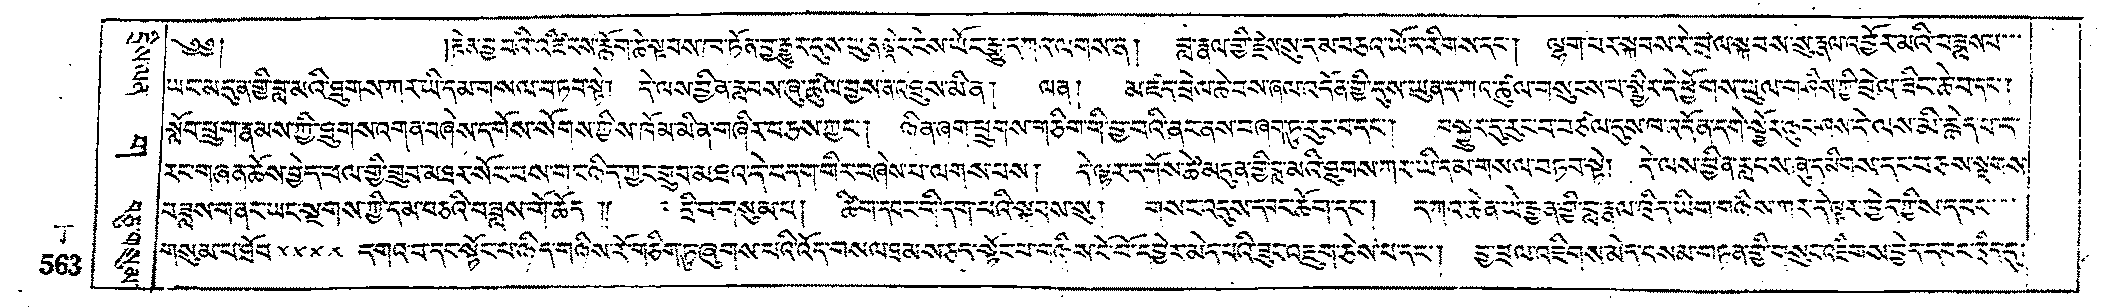༄༅། །རྟེན་བྱ་བའི་འཛིངས་རྙོག་ཆེ་སྟབས་ཁ་ཏོན་བྱ་རྒྱུར་དུས་ཡུན་ལྡེང་ངེས་ཡོང་རྒྱུ་དཀའ་ལགས་ན། བླ་རྣལ་གྱི་རྗེས་སུ་དམ་བཅའ་ཡོད་རིགས་དང་། ལྷག་པར་སྐབས་རེ་བྲེལ་སྐབས་སུ་རྣལ་འབྱོར་མའི་བཟླས་པ་་་
ཡང་མདུན་གྱི་བླ་མའི་ཐུགས་ཀར་ཡི་དམ་གསལ་བཏབ་སྟེ། དེ་ལས་བྱིན་རླབས་ཞུ་ཚུལ་བྱས་ན་འཐུས་མིན། ལན། མཛད་བྲེལ་ཆེ་བས་ཞལ་འདོན་གྱི་དུས་ཡུན་དཀའ་ཚུལ་གསུངས་པ་སྤྱིར་དེ་ཕྱོགས་ཡུལ་གཤིས་ཀྱི་བྲེལ་ཟིང་ཆེ་བ་དང་།
སློབ་ཕྲུག་རྣམས་ཀྱི་ཐུགས་འགན་བཞེས་དགོས་སོགས་ཀྱིས་ཁོམ་མིན་གཞིར་བཅས་ཀྱང་། ཉིན་ཞག་ཕྲུགས་གཅིག་གི་བྱ་བའི་ནང་ནས་བཞག་ཏུ་རུང་བ་དང་། བསྐྱུར་དུ་རུང་བ་བཙལ་དུས་ཁ་འདོན་དགེ་སྦྱོར་ཉུང་ཤས་དེ་ལས་མི་རྙེད་པ་ད་་་
རང་གཞན་ཆོས་བྱེད་ཕལ་གྱི་གྲུབ་མཐར་སོང་བས་གང་ཉིད་ཀྱང་གྲུབ་མཐའ་དེ་བདག་གིར་བཞེས་པ་ལགས་པས། དེ་ལྟར་དགོས་ཚེ་མདུན་གྱི་བླ་མའི་ཐུགས་ཀར་ཡི་དམ་གསལ་བཏབ་སྟེ། དེ་ལས་བྱིན་རླབས་ཞུ་དམིགས་དང་བཅས་སྔགས་
བཟླས་གནང་ཡང་སྔགས་ཀྱི་དམ་བཅའི་བཟླས་གོ་ཆོད་།། ༧དྲི་བ་གསུམ་པ། ཚིག་དབང་གི་དག་པའི་སྐབས་སུ། གསང་འདུས་དབང་ཆོག་དང་། དཀའ་ཆེན་ཡེ་རྒྱན་གྱི་བླ་རྣལ་ཁྲིད་ཡིག་གཉིས་ཀར་དེ་ལྟར་ཁྱེད་ཀྱིས་དབང་་་
གསུམ་པ་ཐོབ་྾་྾་྾་྾་དགའ་བ་དང་སྟོང་པ་ཉིད་གཉིས་རོ་གཅིག་ཏུ་ཞུགས་པའི་འོད་གསལ་ཐམས་ཅད་སྟོང་པ་གཉིས་ངོ་བོ་དབྱེར་མེད་པའི་ཟུང་འཇུག་ཅེས་པ་དང་། བྱ་བྲལ་འཇིགས་མེད་བསམ་གཏན་གྱི་གསུང་འཇིགས་བྱེད་དབང་ཁྲིད་དུ་